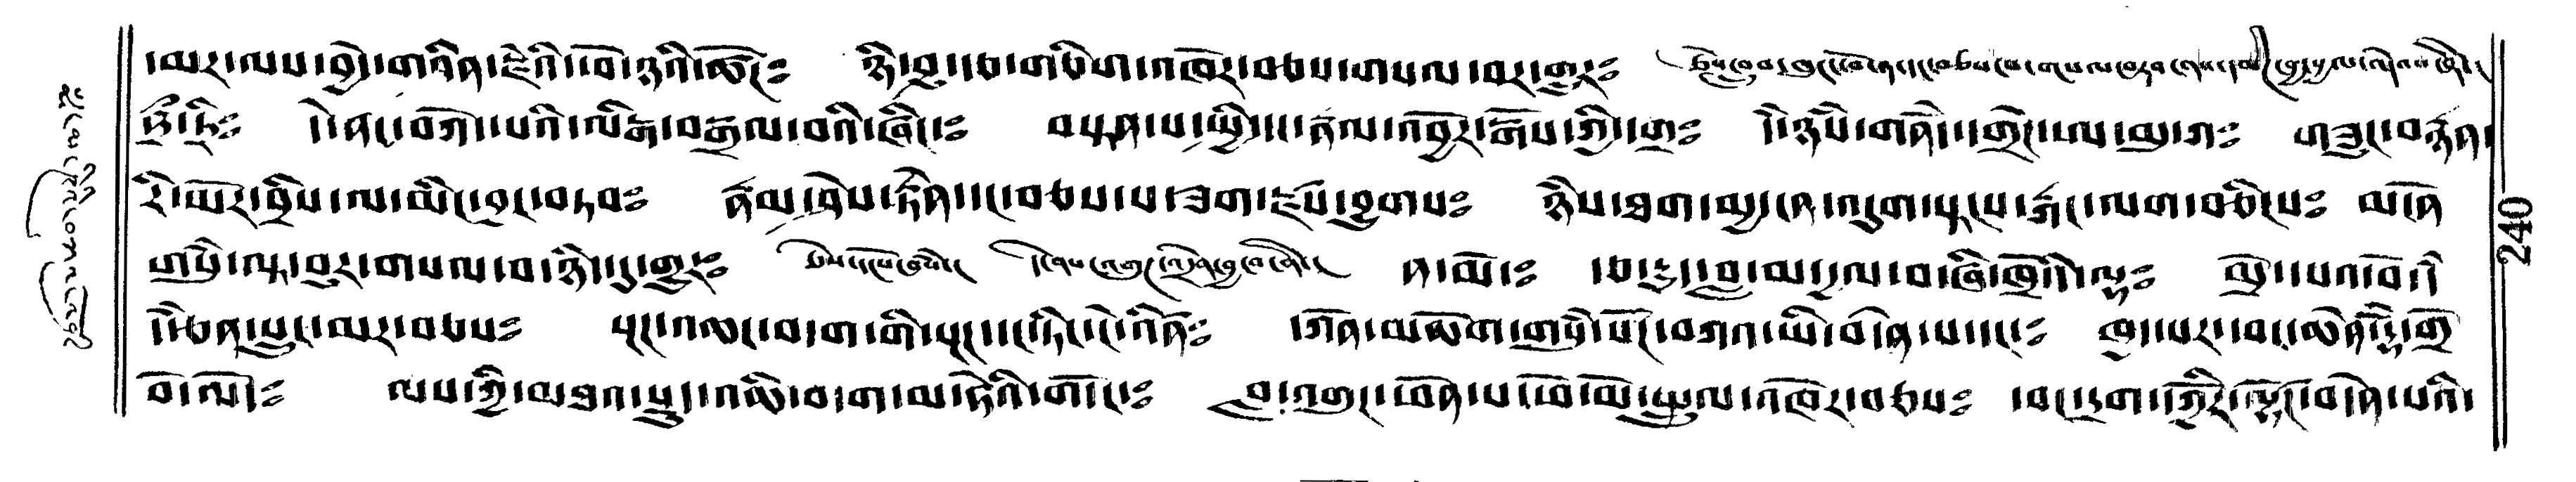དམར་ལས་བྱེད་གཤིན་རྗེའི་ཕོ་ཉའི་ཚོགསཿ ཉི་ཤུ་རྩ་གཅིག་འཁོར་བཅས་གསལ་བར་གྱུརཿ ཅེས་བྲུབ་ཁུང་ཕོ་ཉ་དང་བཅས་པ་གསལ་བཏབ་ནས་དམིགས་བྱ་རྒྱལ་འདེབས་ནི། 
ཧྲྀ་ཏྲིཿ དེ་ནང་བཀོད་པའི་ལིངྒ་བསྒྲལ་བའི་ཞིངཿ བསྟན་པ་སྤྱི་དང་རྣལ་འབྱོར་སྒོས་ཀྱི་དགྲཿ དམ་ཉམས་གནོད་བྱེད་དགྲ་བགེགས་ཨ་མུ་ཀཿ གཟུགས་བརྙན་
རི་མོར་བྲིས་ལ་མིང་བྱང་བཏབཿ རྣམ་ཤེས་རྟེན་དང་བཅས་པ་ཟག་རྫས་བྱུགསཿ ཉམས་ཐག་མྱ་ངན་འདུག་སྟངས་རྐང་ལག་བཅིངསཿ མངོན་
སུམ་ལྟ་བུར་གསལ་བ་ཉིད་དུ་གྱུརཿ ཅེས་དངོས་སུ་བསམ།དེ་ནས་འགུགས་འདྲེན་བྱ་བ་ནི། ན་མོཿ རྩ་རྒྱུད་བླ་མ་རྒྱལ་བ་ཞི་ཁྲོའི་ལྷཿ མཁའ་འགྲོ་དཔའ་བོ་དམ་
དམ་ཅན་སྲུང་མར་བཅསཿ སྔགས་འཆང་བདག་གི་སྔགས་དང་ཏིང་ངེ་འཛིནཿ དཀོན་མཆོག་གསུམ་སོགས་བཀའ་ཡི་བདེན་པ་དངཿ ཁྱད་པར་དབང་ཆེན་རྡོ་རྗེ་གྲོ་
བོ་ལོདཿ ལས་ཀྱི་མཐའ་སྡུད་འཆི་བདག་མ་ཧེའི་གདོངཿ བླ་འགུགས་ཕོན་པ་ཕོ་མོ་སྤྲུལ་འཁོར་བཅསཿ དབང་དྲག་དཀྱིལ་འཁོར་ལྷ་ཚོགས་བདེན་པའི་